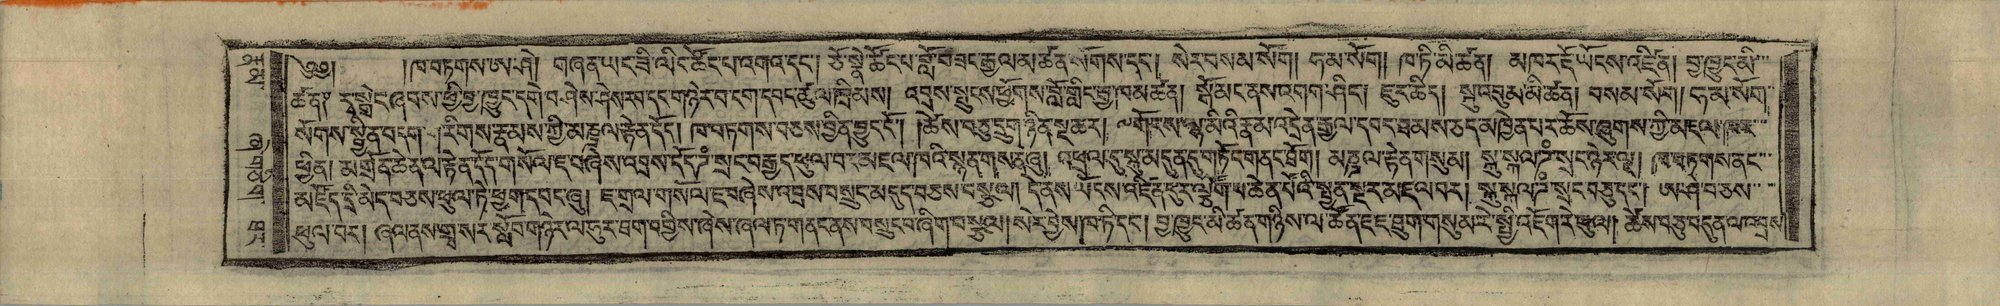༄༅། །ཁ་བཏགས་ཨ་ཤེ། གཞན་ཡང་ཟི་ལིང་ཚོང་པ་འགའ་དང་། ཅོ་སྣེ་ཚོང་པ་བློ་བཟང་རྒྱལ་མཚན་སོགས་དང་། སེར་བསམ་སེག །ཧ་མ་སོག །ཁ་ཏི་མི་ཚན། མཁར་རྡོ་ཡོངས་འཛིན། བྱ་ཁྱུང་མི་
ཚན། རྭ་སྒྲེང་ཞབས་ཕྱི་བྱ་ཁྱུང་དགེ་བཤེས་ཤེས་རབ་དང་གཉེར་པ་ངག་དབང་ཚུལ་ཁྲིམས། འབྲས་སྤུངས་ཕྱོགས་བློ་གླིང་རྒྱ་ཁམ་ཚན། སྒོ་མང་ནས་འགག་ཤིང་། ཇུར་ཆིད། སྐུ་འབུམ་མི་ཚན། བསམ་སོག །ཧ་མ་སོག་
སོགས་སྦྱིན་བདག་གི་རིགས་རྣམས་ཀྱི་མཎྜལ་རྟེན་དོད། ཁ་བཏགས་བཅས་བྱིན་བྱུང་ངོ། །ཚེས་བཅུ་དྲུག་ཉིན་སྔ་ཆར། ༧་གོང་ས་ལྷ་མིའི་རྣམ་འདྲེན་རྒྱལ་དབང་ཐམས་ཅད་མཁྱེན་པར་ཆོས་ཞུགས་ཀྱི་མཇལ་ཁར་
ཕྱིན། མགྲོན་ཆེན་ལ་རྟེན་དོད་གསོལ་ཇ་བཞེས་འབྲས་དོད་ཌཾ་སྲང་བརྒྱད་ཕུལ་བར་མཇལ་ཁའི་སྙན་གསན་ཞུ། འཕྲལ་དུ་སྐུ་མདུན་དུ་གཏོང་གནང་ཐོག །མཎྜལ་རྟེན་གསུམ། སྐུ་སྐལ་ཌཾ་སྲང་ཉེར་ལྔ། ཁ་བཏགས་ནང་
མཛོད་དྲི་མེད་བཅས་ཕུལ་ཏེ་ཕྱག་དབང་ཞུ། ཇ་གྲལ་གསོལ་ཇ་བཞེས་འབྲས་བསྲུང་མདུད་བཅས་བསྩལ། དེ་ནས་ཡོངས་འཛིན་ཕུར་ལྕོག་པ་ཆེན་པོའི་སྤྱན་སྔར་མཇལ་བར། སྐུ་སྐལ་ཌཾ་སྲང་བཅུ་དང་། ཨ་ཤེ་བཅས་
ཕུལ་བར། ཞལ་ནས་གྲྭ་སར་སློབ་གཉེར་ལ་ཧུར་ཐག་བགྱིས་ཞེས་ཞལ་ཏ་གནང་ནས་བསྲུང་བ་ཞིག་བསྩལ། སེར་བྱེས་ཁ་ཏི་དང་། བྱ་ཁྱུང་མི་ཚན་གཉིས་ལ་ཚོན་ཇ་ཇ་ཐུག་གསུམ་རེ་སྤྱི་འཇོག་རེ་ཕུལ། ཚེས་བཅུ་བདུན་ལ་འབྲས་